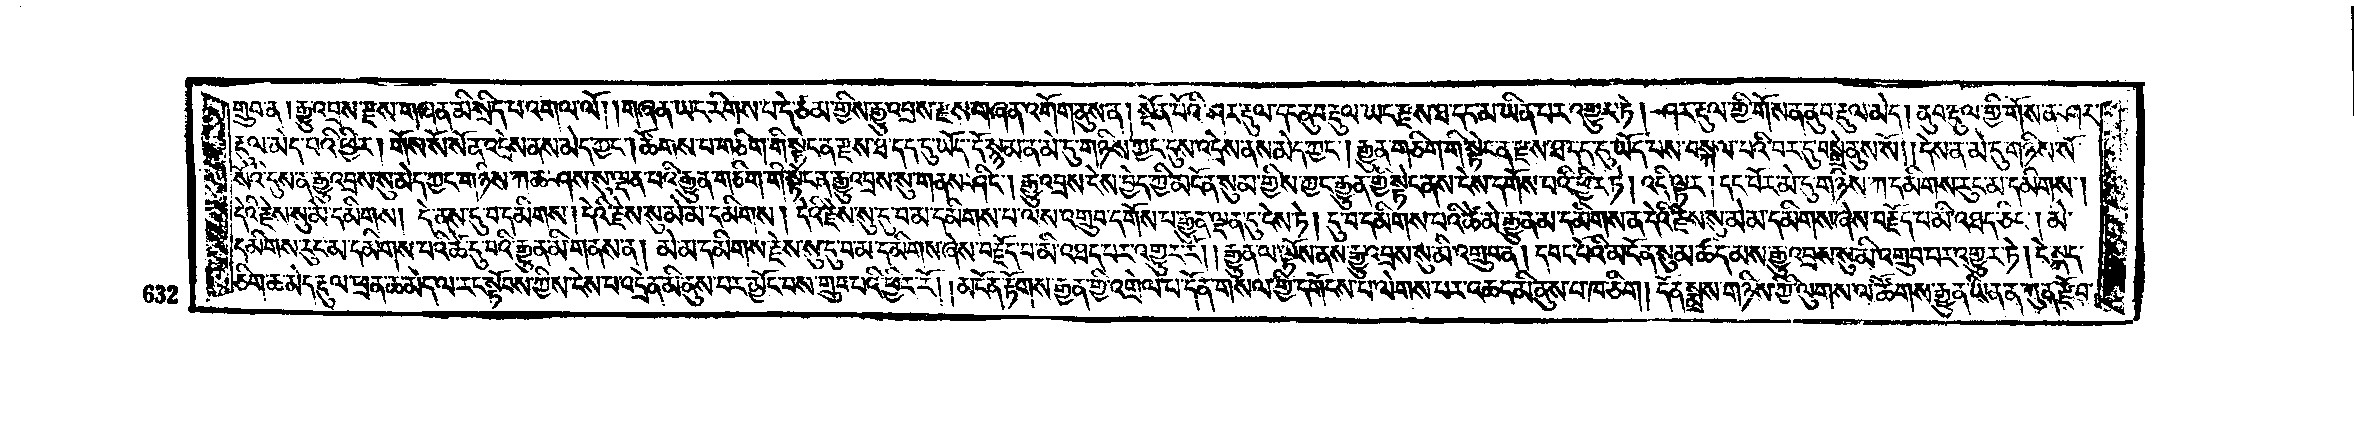གྲུབ་ན། རྒྱུ་འབྲས་རྫས་གཞན་མི་དྲིད་པ་འགལ་ལོ། །གཞན་ཡང་རིགས་པ་དེ་ཙམ་གྱིས་རྒྱུ་འབྲས་རྫས་གཞན་འགོག་ནུས་ན། སྔོན་པོའི་ཤར་རྡུལ་དང་ནུབ་རྡུལ་ཡང་རྫས་ཐ་དད་མ་ཡིན་པར་འགྱུར་ཏེ། ཤར་རྡུལ་གྱི་གོས་ན་ནུབ་རྡུལ་མེད། ནུབ་རྡུལ་གྱི་གོས་ན་ཤར་
རྡུལ་མེད་པའི་ཕྱིར། གོས་སོ་སོན་འདྲས་ནས་མེད་ཀྱང་། ཚོགས་པ་གཅིག་གི་སྟེང་ན་རྫས་ཐ་དད་དུ་ཡོད་དོ་སྙམ་ན་མེ་དུ་གཉིས་ཀྱང་དུས་འདྲེས་ནས་མེད་ཀྱང་། རྒྱུན་གཅིག་གི་སྟེང་ན་རྫས་ཐ་དུད་དུ་ཡོད་པས་བསྐལ་པའི་བར་དུ་བསྒྲེ་ནུས་སོ། །དེས་ན་མེ་དུ་གཉིས་སོ་
སོའི་དུས་ན་རྒྱུ་འབྲས་སུ་མེད་ཀྱང་གཉིས་ཀ་ཆ་ཤས་སུ་ལྡན་པའི་རྒྱུན་གཅིག་གི་སྟོང་ན་རྒྱུ་འབྲས་སུ་གནས་ཤིང་། རྒྱུ་འབྲས་ངེས་བྱེད་ཀྱི་མངོན་སུམ་གྱིས་ཀྱང་རྒྱུན་གྱི་སྟེང་ནས་ངེས་དགོས་པའི་ཕྱིར་ཏེ། འདི་ལྟར། དང་པོར་མེ་དུ་གཉིས་ཀ་དམིགས་རུང་མ་དམིགས།
དེའི་རྗེས་སུ་མི་དམིགས། དེ་ནས་དུ་བ་དམིགས། དེའི་རྗེས་སུ་མེ་མ་དམིགས། དེའི་རྗེས་སུ་དུ་བ་མ་དམིགས་པ་ལས་འགྲུབ་དགོས་རྒྱུན་ལྡན་དུ་ངེས་ཏེ། དུ་བ་དམིགས་པའི་ཚེ་མེ་རྒྱུ་ན་མ་དམིགས་ན་དེའི་རྗེས་སུ་མེ་མ་དམིགས་ཞེས་བརྗོད་པ་མི་འཐད་ཅིང་། མི་
དམིགས་རུང་མདམིགས་པའི་ཚེ་དུ་བའི་རྒྱུན་མི་གནས་ན། མེ་མ་དམིགས་རྗེས་སུ་དུ་བ་མ་དམིགས་ཞེས་བརྗོད་པ་མི་འཐད་པར་འགྱུར་རོ། །རྒྱུན་ལ་ལྟོས་ནས་རྒྱུ་འབྲས་སུ་མི་འགྲུབ་ན། དབང་པོའི་མངོན་སུམ་ཚད་མས་རྒྱུ་འབྲས་སུ་མི་འགྲུབ་པར་འགྱུར་ཏེ། དེ་སྐད་
ཅིག་ཆ་མེད་རྡུལ་ཕྲན་ཆ་མེད་ལ་རང་སྟོབས་ཀྱིས་ངེས་པ་འདྲེན་མི་ནུས་པར་མྱོང་བས་གྲུབ་པའི་ཕྱིར་རོ། །མངོན་རྟོགས་རྒྱན་གྱི་འགྲེལ་པ་དོན་གསལ་གྱི་དགོངས་པ་ལེགས་པར་འཆད་མི་ནུས་པ་ཁ་ཅིག །དོན་སྨྲས་གཉིས་ཀྱི་ལུགས་ལ་ཚོགས་རྒྱུན་ཡིན་ན་ཀུན་རྫོབ་